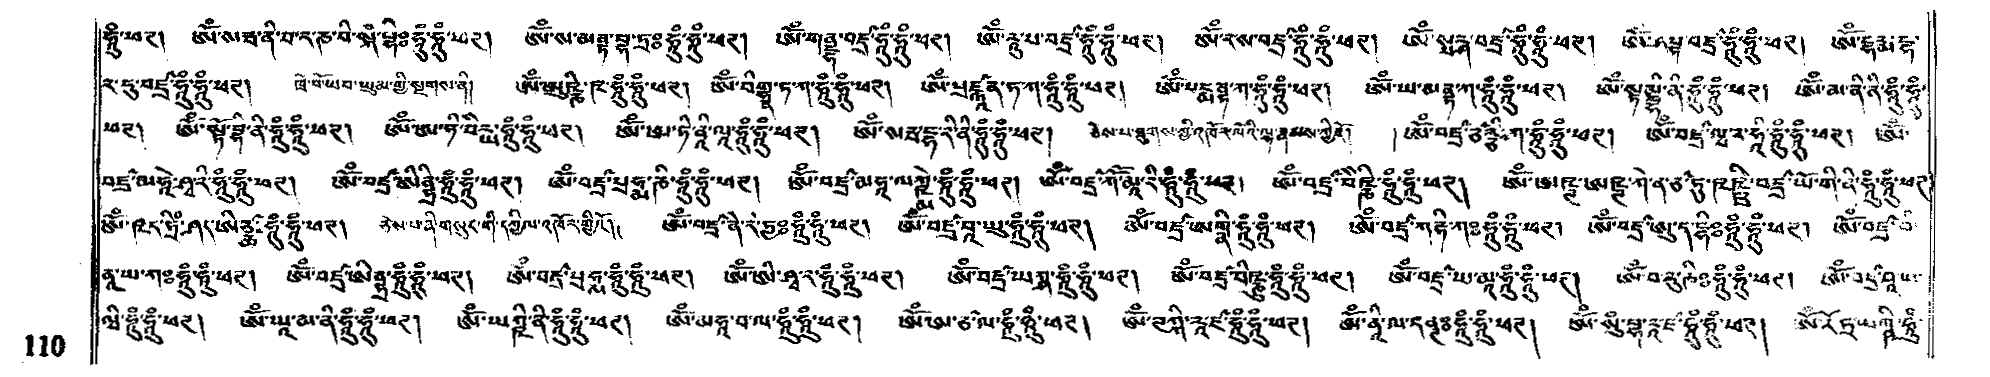ཧཱུཾ་ཕཊ། ཨོཾ་སརྦ་ནི་བ་ར་ཎ་བི་སྐཾ་བྷིཿ ཧཱུཾ་ཧཱུཾ་ཕཊ། ཨོཾ་ས་མནྟ་བྷ་ཏྲཿ ཧཱུཾ་ཧཱུཾ་ཕཊ། ཨོཾ་གནྡྷ་བཛྲ་ཧཱུཾ་ཧཱུཾ་ཕཊ། ཨོཾ་རཱུ་པ་བཛྲ་ཧཱུཾ་ཧཱུཾ་ཕཊ། ཨོཾ་ར་ས་བཛྲ་ཧཱུཾ་ཧཱུཾ་ཕཊ། ཨོཾ་སྤརྴ་བཛྲ་ཧཱུཾ་ཧཱུཾ་ཕཊ། ཨོཾ་ཤཔྟ་བཛྲ་ཧཱུཾ་ཧཱུཾ་ཕཊ། ཨོཾ་དྷརྨ་དྷ་
ར་དུ་བཛྲ་ཧཱུཾ་ཧཱུཾ་ཕཊ། ཁྲོ་བོ་ཡབ་ཡུམ་གྱི་སྔགས་ནི།  ཨོཾ་ཨུཥྞི་ཥ་ཧཱུཾ་ཧཱུཾ་ཕཊ། ཨོཾ་བིགྷྣ་ཏ་ཀ་ཧཱུཾ་ཧཱུཾ་ཕཊ། ཨོཾ་པྲ་ཛྙཱ་ན་ཏ་ཀ་ཧཱུཾ་ཧཱུཾ་ཕཊ། ཨོཾ་པདམནྟ་ཀ་ཧཱུཾ་ཧཱུཾ་ཕཊ། ཨོཾ་ཡ་མནྟ་ཀ་ཧཱུཾ་ཧཱུཾ་ཕཊ། ཨོཾ་སྟམྦྷི་ནི་ཧཱུཾ་ཧཱུཾ་ཕཊ། ཨོཾ་མ་ནི་ནི་ཧཱུཾ་ཧཱུཾ་
ཕཊ། ཨོཾ་སྟོ་བྷི་ནི་ཧཱུཾ་ཧཱུཾ་ཕཊ། ཨོཾ་ཨ་ཏི་བིརྱ་ཧཱུཾ་ཧཱུཾ་ཕཊ། ཨོཾ་ཨ་ཏི་ནཱི་ལཱ་ཧཱུཾ་ཧཱུཾ་ཕཊ། ཨོཾ་སརྦ་དྷ་རི་ནི་ཧཱུཾ་ཧཱུཾ་ཕཊ། ཅེས་པ་ཐུགས་ཀྱི་འཁོར་ལོའི་ལྷ་རྣམས་ཀྱིའོ།  །ཨོཾ་བཛྲ་ཙརྩི་ཀ་ཧཱུཾ་ཧཱུཾ་ཕཊ། ཨོཾ་བཛྲ་ཝ་ར་ཧཱི་ཧཱུཾ་ཧཱུཾ་ཕཊ། ཨོཾ་
བཛྲ་མཧE་ཤྭ་རི་ཧཱུཾ་ཧཱུཾ་ཕཊ། ཨོཾ་བཛྲ་ཨིནྟྲི་ཧཱུཾ་ཧཱུཾ་ཕཊ། ཨོཾ་བཛྲ་པྲཧྨ་ཎི་ཧཱུཾ་ཧཱུཾ་ཕཊ། ཨོཾ་བཛྲ་མཧཱ་ལཀྵེ་ཧཱུཾ་ཧཱུཾ་ཕཊ། ཨོཾ་བཛྲ་ཀཽ་མཱ་རི་ཧཱུཾ་ཧཱུཾ་ཕཊ། ཨོཾ་བཛྲ་བཻཥྞི་ཧཱུཾ་ཧཱུཾ་ཕཊ། ཨོཾ་ཨཥྚ་ཨཥྚ་ཀེ་ན་ཙ་ཏུ་ཥཥཊཿཨི་བཛྲ་ཡོ་གི་ནི་ཧཱུཾ་ཧཱུཾ་ཕཊ་
ཨོཾ་ཥད་ཏྲིཾ་ཤད་ཨིཙྪ་ཧཱུཾ་ཧཱུཾ་ཕཊ། ཅེས་པ་ནི་གསུང་གི་དཀྱིལ་འཁོར་གྱིའོ།།  ཨོཾ་བཛྲ་ནེ་རེ་ཏྱཿ ཧཱུཾ་ཧཱུཾ་ཕཊ། ཨོཾ་བཛྲ་བཱ་ཡུ་ཧཱུཾ་ཧཱུཾ་ཕཊ། ཨོཾ་བཛྲ་ཨགནི་ཧཱུཾ་ཧཱུཾ་ཕཊ། ཨོཾ་བཛྲ་ཀརྟི་ཀཿ ཧཱུཾ་ཧཱུཾ་ཕཊ། ཨོཾ་བཛྲ་ཨུ་ད་དྷིཿ ཧཱུཾ་ཧཱུཾ་ཕཊ། ཨོཾ་བཛྲ་བི་
ནཱ་ཡ་ཀཿ ཧཱུཾ་ཧཱུཾ་ཕཊ། ཨོཾ་བཛྲ་ཨིནྟྲ་ཧཱུཾ་ཧཱུཾ་ཕཊ། ཨོཾ་བཛྲ་པྲཧྨ་ཧཱུཾ་ཧཱུཾ་ཕཊ། ཨོཾ་ཨི་ཤྭ་ར་ཧཱུཾ་ཧཱུཾ་ཕཊ། ཨོཾ་བཛྲ་ཡཀྵ་ཧཱུཾ་ཧཱུཾ་ཕཊ། ཨོཾ་བཛྲ་བིཥྞུ་ཧཱུཾ་ཧཱུཾ་ཕཊ། ཨོཾ་བཛྲ་ཡ་མཱ་ཧཱུཾ་ཧཱུཾ་ཕཊ། ཨོཾ་བ་རུ་ཎིཿ ཧཱུཾ་ཧཱུཾ་ཕཊ། ཨོཾ་བཛྲ་བཱ་ཡ་
ཝི་ཧཱུཾ་ཧཱུཾ་ཕཊ། ཨོཾ་ཡཱ་མ་ནི་ཧཱུཾ་ཧཱུཾ་ཕཊ། ཨོཾ་ཡཀྵི་ནི་ཧཱུཾ་ཧཱུཾ་ཕཊ། ཨོཾ་མཧཱ་བ་ལ་ཧཱུཾ་ཧཱུཾ་ཕཊ། ཨོཾ་ཨ་ཙ་ལ་ཧཱུཾ་ཧཱུཾ་ཕཊ། ཨོཾ་ཊཀྐི་རཱ་ཛ་ཧཱུཾ་ཧཱུཾ་ཕཊ། ཨོཾ་ནཱི་ལ་དནྜཿ ཧཱུཾ་ཧཱུཾ་ཕཊ། ཨོཾ་སུཾ་བྷ་རཱ་ཛ་ཧཱུཾ་ཧཱུཾ་ཕཊ། ཨོཾ་རོ་ཏྲ་ཡཀྵི་ཧཱུཾ་